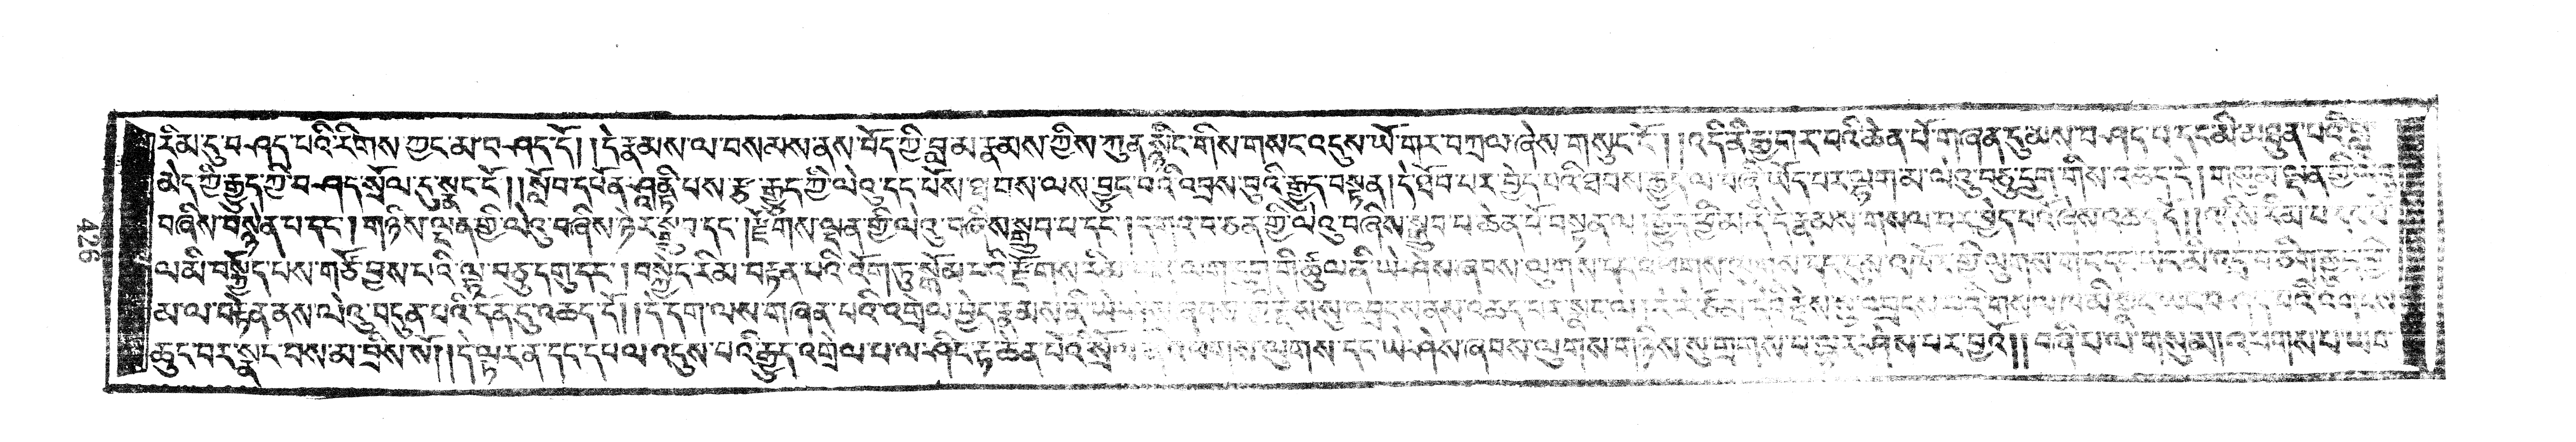རིམ་དུ་བཤད་པའི་རིགས་ཀྱང་མ་བཤད་དོ། །དེ་རྣམས་ལ་བསམས་ནས་བོད་ཀྱི་བླ་མ་རྣམས་ཀྱིས་ཀུན་སྙིང་གིས་གསང་འདུས་ཡོ་གར་བཀྲལ་ཞེས་གསུང་ངོ། །འདི་ནི་རྒྱ་གར་བའི་ཆེན་པོ་གཞན་དུ་མས་བཤད་པ་དང་མི་མཐུན་པའི་བླ་
མེད་ཀྱི་རྒྱུད་ཀྱི་བཤད་སྲོལ་དུ་སྣང་ངོ། །སློབ་དཔོན་ཤཱནིཏ་པས་རྩ་རྒྱུད་ཀྱི་ལེའུ་དང་པོས་ཐབས་ལས་བྱུང་བའི་འབྲས་བུའི་རྒྱུས་བསྟན། དེ་ཐོབ་པར་བྱེད་པའི་ཐབས་རྒྱུད་ལ་བཞི་ཡོད་པར་ལྷག་མ་ལེའུ་བཅུ་དྲུག་གིས་འཆད་དེ། གསུམ་ལྡན་གྱི་ལེའུ་
བཞིས་བསྙེན་པ་དང་། གཉིས་ལྡན་གྱི་ལེའུ་བཞིས་ཉེར་སྒྲུབ་དང་། རྫོགས་ལྡན་གྱི་ལེའུ་བཞིས་སྒྲུབ་པ་དང་། དགའ་བ་ཅན་གྱི་ལེའུ་བཞིས་སྒྲུབ་པ་ཆེན་པོ་བསྟན་ལ། རྒྱུད་ཕྱི་མ་ནི་དེ་རྣམས་གསལ་བར་བྱེད་པའོ་ཞེས་འཆད་དོ། །འདིས་རིམ་པ་དང་པོ་
ལ་མི་བསྐྱོད་པས་གཙོ་བྱས་པའི་ལྷ་བཅུ་དགུ་དང་། བསྐྱེད་རིམ་བརྟན་པའི་འོག་ཏུ་སྒོམ་པའི་རྫོགས་རིམ་ཡན་ལག་དྲུག་གྱི་ཚུལ་ནི་ཡེ་ཤེས་ཞབས་ལུགས་དང་འཕགས་ལུགས་དང་དུས་འཁོར་གྱི་ལུགས་གང་དང་ཡང་མི་འདྲ་བ་ཅིག་རྒྱུད་ཕྱི་
མ་ལ་བརྟེན་ནས་ལེའུ་བདུན་པའི་དོན་དུ་འཆད་དོ། །དེ་དག་ལས་གཞན་པའི་འགྲེལ་བྱེད་རྣམས་ནི་ཡེ་ཤེས་ཞབས་ཀྱི་རྗེས་སུ་འབྲངས་ནས་འཆད་པར་སྣང་ལ། རེ་རེ་ཙམ་དེའི་རྗེས་སུ་འབྲངས་པའི་གསལ་ཁ་མི་སྣང་ཡང་བཤད་པའི་འགངས་
ཆུང་བར་སྣང་བས་མ་བྲིས་སོ། །དེ་ལྟར་ན་དང་དཔལ་འདུས་པའི་རྒྱུད་འགྲེལ་པ་ལ་ཤིང་རྟ་ཆེན་པོའི་སྲོལ་ནི་འཕགས་ལུགས་དང་ཡེ་ཤེས་ཞབས་ལུགས་གཉིས་སུ་གྲགས་པ་ལྟར་ཤེས་པར་བྱའོ། །བཞི་པ་ལ་གསུམ། འཕགས་པ་ཡབ་